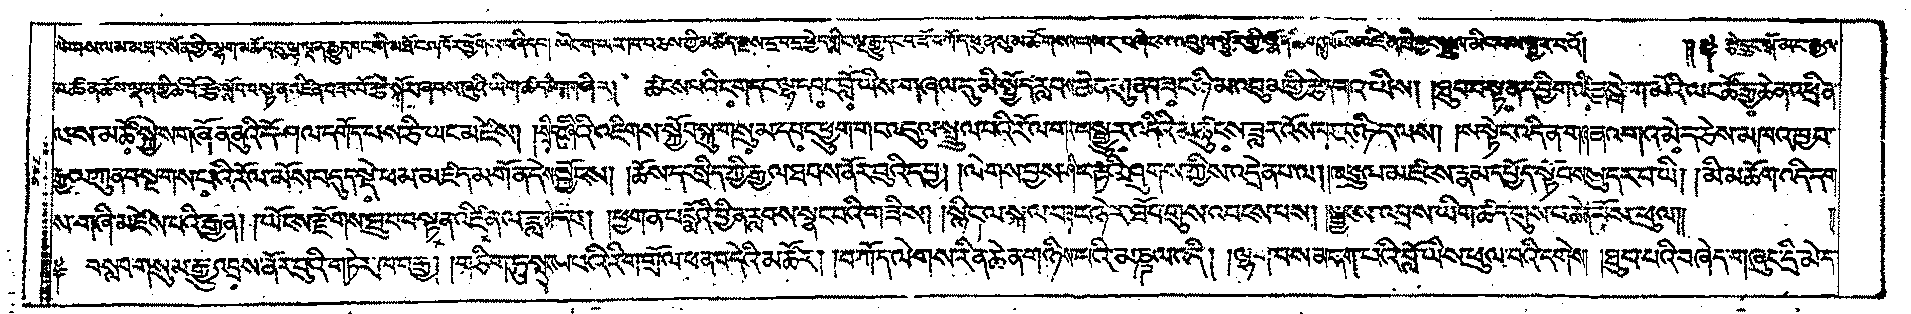ལེགས་ལམ་མཐར་སོན་གྱི་ལྷག་མཆོད་དུ་ལྷ་ལྡན་རྒྱུད་ཁང་གི་མཐོང་འཁོར་ཕྱོགས་བཞི་དང་། སེང་གཡབ་ཁ་བཅས་ཀྱི་མཆོད་རྫས་དྲ་བ་དྲ་ཕྱེད་གླིང་ལྔ་རྒྱུ་དང་བཟོ་བཀོད་ཕུན་སུམ་ཚོགས་པ་གསར་བཞེངས་འབུལ་སྦྱོར་གྱི་སྨོན་ཚིག་ཏུ་ཡོངས་འཛིན་ཁྲི་བྱང་སྤྲུལ་མིང་པས་སྦྱར་བའོ།། །།༈ རྩེ་དྲུང་སྒོ་མང་རྒྱལ་
མཚན་ཆོས་ལྡན་གྱི་ཚ་བོ་རྩེ་སློབ་བསྟན་འཛིན་བཟང་པོ་རྩེ་སྐོར་ཞབས་ཞུའི་ཡིག་ཚད་ཚིག་གཞིར། ཚངས་པའི་ངག྾་དང་ལྷ་དབང྾་བློ྾་ཡིས་གཞལ་དུ་མི་སྤྱོད་རླབས་ཆེན་ཀུན་བཟང྾་ཉི་མ་འབུམ་གྱི་རྩེ་དགའ་ཡིས། །ཐུབ་བསྟན྾་དབྱིག་འཛིན྾་སྒེག་མོའི་ལང་ཚོ་རྒྱ྾་ཆེན་འཕྲིན་
ལས་མཚོ྾་སྐྱེས་གཞོན་ནུའི་དོ་ཤལ་དགོད་པས་ཅི་ཡང་མཛེས། །སྲིད྾་ཞིའི་འཇིགས་སྐྱོབ་སྐུ་གསུམ྾་དབང྾་ཕྱུག་གང་འདུལ་སྤྲུལ་པའི་རོལ་གར་བསྒྱུར྾་འདིའི་མཚུངས྾་ཟླར་འོས་པ྾་རང་ཉིད་ལས། །ས་སྟེང་འདི་ན་གཞན་འགའ་མེད྾་ཅེས་མཁའ་ཁྱབ་
རྒྱལ་ཀུན་བསྔགས་པའི྾་རོལ་མོས་བདུད་སྡེ྾་ཕམ་མཛད་མགོན་དེས་སྐྱོངས། །ཆོས་དང་སྲིད་ཀྱི་རྒྱལ་ཐབས་ནོར་བུའི་དཔྱ། །ལེགས་བྱས་ཤིང་རྟའི་ཤུགས་ཀྱིས་འདྲེན་པ་ལ། །འཕྲུལ་མཛངས་རྣམ་དཔྱོད་སྟོབས་སུ་དར་བ་ཡི། །མི་མཆོག་འདི་དག་
ས་གཞི་མཛེས་པའི་རྒྱན། །ཡོངས་རྫོགས་ཐུབ་བསྟན་྾་འཛིན་྾་ལ་ཟླ་མེད་པ། །ཕྱག་ན་པདམོའི་བྱིན་རླབས་སྣང་བའི་གཟིས། །སྙིང་ལ་སྐལ་བཟང྾་ཉེར་ཐོབ་གུས་འབངས་པས། །སྦྱངས་འབྲས་ཡིག་ཚད་གུས་པ་ཆེན་པོས་྾་ཕུལ།། །།
༈ བསླབ་གསུམ་རྒྱུ་འབྲས྾་ནོར་བུའི་གཏེར་ཁ་བརྒྱ། །གཅིག་ཏུ་སྤུངས྾་པའི་རིག་གྲོལ་ཕན་བདེའི་མཚོར། །བཀོད་ལེགས་རིན་ཆེན་གཉིས་པའི་མཎྜལ་འདི། །ལྷག་བསམ་དག་པའི་བློ་ཡིས་ཕུལ་བའི་དགེས། །ཐུབ་པའི་བཞེད་གཞུང་དྲི་མེད་